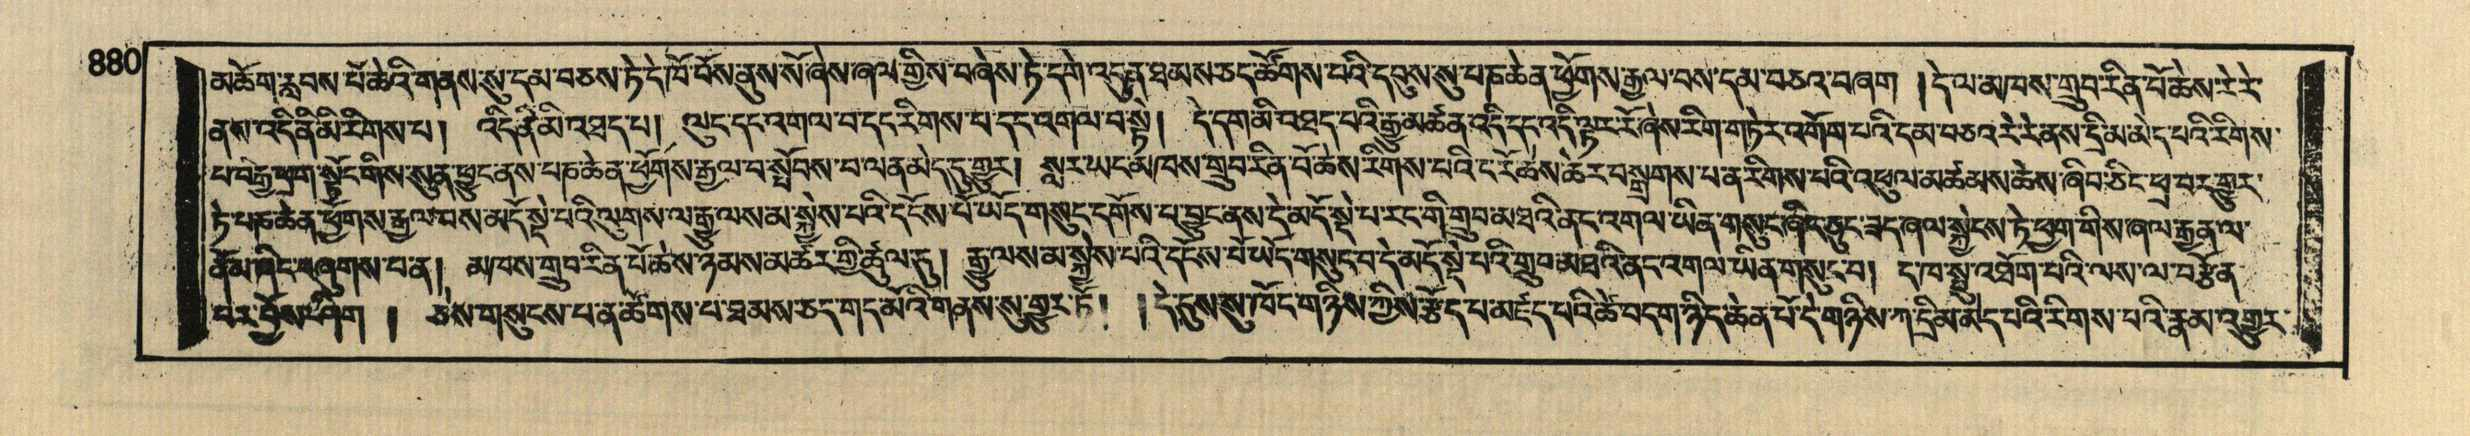མཆོག་རླབས་པོ་ཆེའི་གནས་སུ་དམ་བཅས་ཏེ་དེ་ཁོ་བོས་ནུས་སོ་ཞེས་ཞལ་གྱིས་བཞེས་ཏེ་དགེ་འདུན་ཐམས་ཅད་ཚོགས་པའི་དབུས་སུ་པཎ་ཆེན་ཕྱོགས་རྒྱལ་བས་དམ་བཅའ་བཞག །དེ་ལ་མཁས་གྲུབ་རིན་པོ་ཆེས་རེ་རེ་
ནས་འདི་ནི་མི་རིགས་པ། འདི་ནི་མི་འཐད་པ། ལུང་དང་འགལ་བ་དང་རིགས་པ་དང་འགལ་བ་སྟེ། དེ་དག་མི་འཐད་པའི་རྒྱུ་མཚན་འདི་དང་འདི་ལྟར་རོ་ཞེས་རིག་གཏེར་འགོག་པའི་དམ་བཅའ་རེ་རེ་ནས་དྲི་མ་མེད་པའི་རིགས་
པ་བརྒྱ་ཕྲག་སྟོང་གིས་སུན་ཕྱུང་ནས་པཎ་ཆེན་ཕྱོགས་རྒྱལ་བ་སྤོབས་བ་ལན་མེད་དུ་གྱུར། སླར་ཡང་མཁས་གྲུབ་རིན་བོ་ཆེས་རིགས་པའི་ང་རོ་ཆེས་ཆེར་བསྒྲགས་པ་ན་རིགས་པའི་འཕུལ་མཚམས་ཆེས་ཞིབ་ཅིང་ཕྲ་བར་གྱུར་
ཏེ་པཎ་ཆེན་ཕྱོགས་རྒྱལ་བས་མདོ་སྡེ་པའི་ལུགས་ལ་རྒྱུ་ལས་མ་སྐྱེས་པའི་དངོས་པོ་ཡོད་གསུང་དགོས་པ་བྱུང་ནས་དེ་མདོ་སྡེ་པ་རང་གི་གྲུབ་མཐའི་ནང་འགལ་ཡིན་གསུང་ཞིང་ཅུང་ཟད་ཞལ་སྐྱེངས་ཏེ་ཕྱག་གིས་ཞལ་རྒྱན་ལ་
ནོམ་ཞིང་བཞུགས་པ་ན། མཁས་གྲུབ་རིན་པོ་ཆེས་ཉམས་མཚར་གྱི་ཚུལ་དུ། རྒྱུ་ལས་མ་སྐྱེས་པའི་དངོས་པོ་ཡོད་གསུང་བ་དེ་མདོ་སྡེ་པའི་གྲུབ་མཐའི་ནང་འགལ་ཡིན་གསུང་བ། ད་ཁ་སྤུ་འཐོག་པའི་ལས་ལ་བརྩོན་
པར་བྱོས་ཤིག །ཅེས་གསུངས་པ་ན་ཚོགས་པ་ཐམས་ཅད་གད་མོའི་གནས་སུ་གྱུར་ཏོ། །དེ་དུས་སུ་ཁོང་གཉིས་ཀྱིས་རྩོད་པ་མཛད་པའི་ཚེ་བདག་ཉིད་ཆེན་པོ་དེ་གཉིས་ཀ་དྲི་མ་མེད་པའི་རིགས་པའི་རྣམ་འགྱུར་